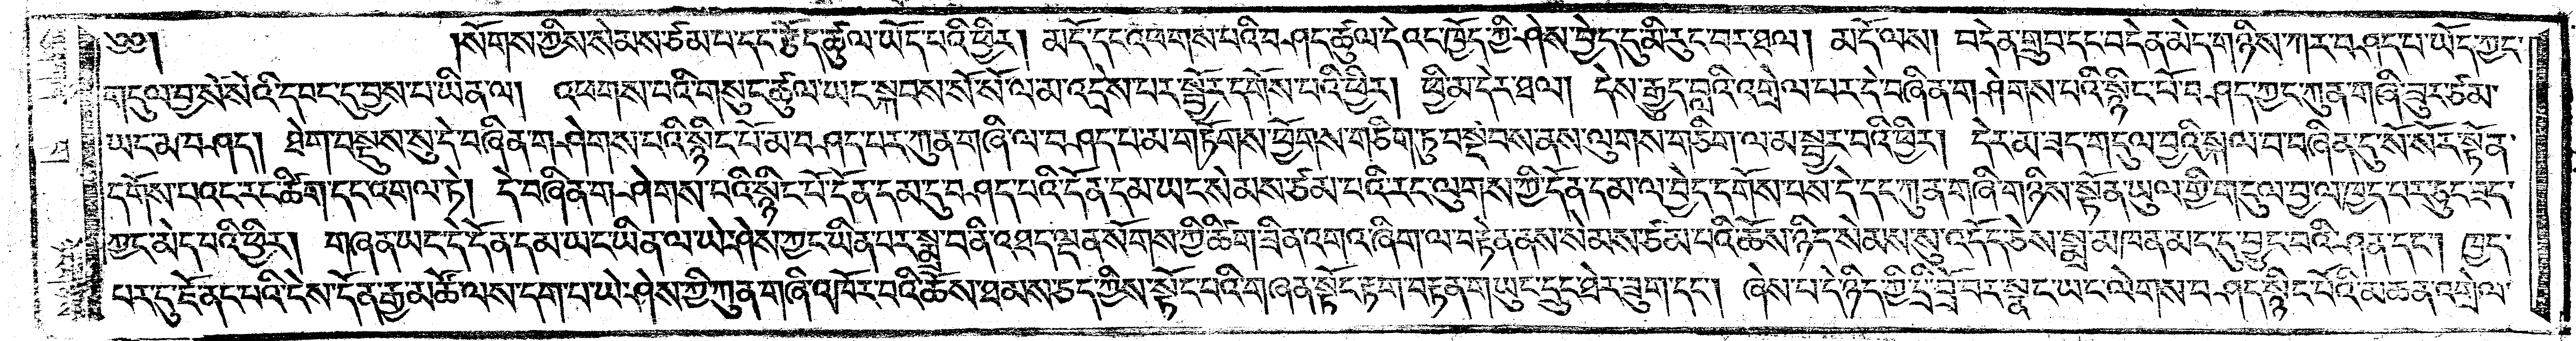༄༅། །སོགས་ཀྱིས་སེམས་ཙམ་པ་དང་རྩོད་ཚུལ་ཡོད་པའི་ཕྱིར། མདོ་དང་འཕགས་པའི་བཤད་ཚུལ་དེའང་ཁྱོད་ཀྱི་ཤེས་བྱེད་དུ་མི་རུང་བར་ཐལ། མདོ་ལས། བདེན་གྲུབ་དང་བདེན་མེད་གཉིས་ཀར་བཤད་པ་ཡོད་ཀྱང་
གདུལ་བྱ་སོ་སོའི་དབང་དུ་བྱས་པ་ཡིན་ལ། འཕགས་པའི་གསུང་ཚུལ་ཡང་སྐབས་སོ་སོ་ལམ་འདྲེས་པར་སྦྱོར་དགོས་པའི་ཕྱིར། ཕྱི་མ་དེར་ཐལ། དེས་རྒྱུད་བླའི་འགྲེལ་པར་དེ་བཞིན་གཤེགས་པའི་སྙིང་པོ་བཤད་ཀྱང་ཀུན་གཞི་ཟུར་ཙམ་
ཡང་མ་བཤད། ཐེག་བསྡུས་སུ་དེ་བཞིན་གཤེགས་པའི་སྙིང་པོ་མ་བཤད་པར་ཀུན་གཞི་ལ་བཤད་པ་མ་གཏོགས་ཕྱོགས་གཅིག་ཏུ་བསྡེབས་ནས་ལུགས་གཅིག་ལ་མ་སྦྱར་བའི་ཕྱིར། དེར་མ་ཟད་གདུལ་བྱའི་སྐལ་བ་བཞིན་དུ་སོ་སོར་སྟོན་
དགོས་པའང་རང་ཚིག་དང་འགལ་ཏེ། དེ་བཞིན་གཤེགས་པའི་སྙིང་པོ་དོན་དམ་དུ་བཤད་པའི་དོན་དམ་ཡང་སེམས་ཙམ་པའི་རང་ལུགས་ཀྱི་དོན་དམ་ལ་བྱེད་དགོས་པས་དེ་དང་ཀུན་གཞི་གཉིས་སྟོན་ཡུལ་གྱི་གདུལ་བྱ་ལ་ཁྱད་པར་ཅུང་ཟད་
ཀྱང་མེད་པའི་ཕྱིར། གཞན་ཡང་དེ་དོན་དམ་ཡང་ཡིན་ལ་ཡེ་ཤེས་ཀྱང་ཡིན་པར་སྨྲ་བ་ནི་འཐད་ལྡན་སོགས་ཀྱི་ཚིག་ཟིན་འགའ་ཞིག་ལ་བརྟེན་ནས་སེམས་ཙམ་པའི་ཆོས་ཉིད་སེམས་སུ་འདོད་ཅེས་སྨྲ་མཁན་མང་དུ་བྱུང་བའི་ཤན་དང་། ཁྱད་
པར་དུ་ཛེ་ནང་པའི་ངེས་དོན་རྒྱ་མཚོ་ལས་དག་པ་ཡེ་ཤེས་ཀྱི་ཀུན་གཞི་འཁོར་བའི་ཆོས་ཐམས་ཅད་ཀྱིས་སྟོང་པའི་གཞན་སྟོང་རྟག་བརྟན་གཡུང་དྲུང་ཐེར་ཟུག་དང་། ཞེས་པ་དེ་ཉིད་ཀྱི་དྲི་བྲོ་བར་སྣང་ཡང་ལེགས་བཤད་སྙིང་པོའི་མཚན་འགྲེལ་